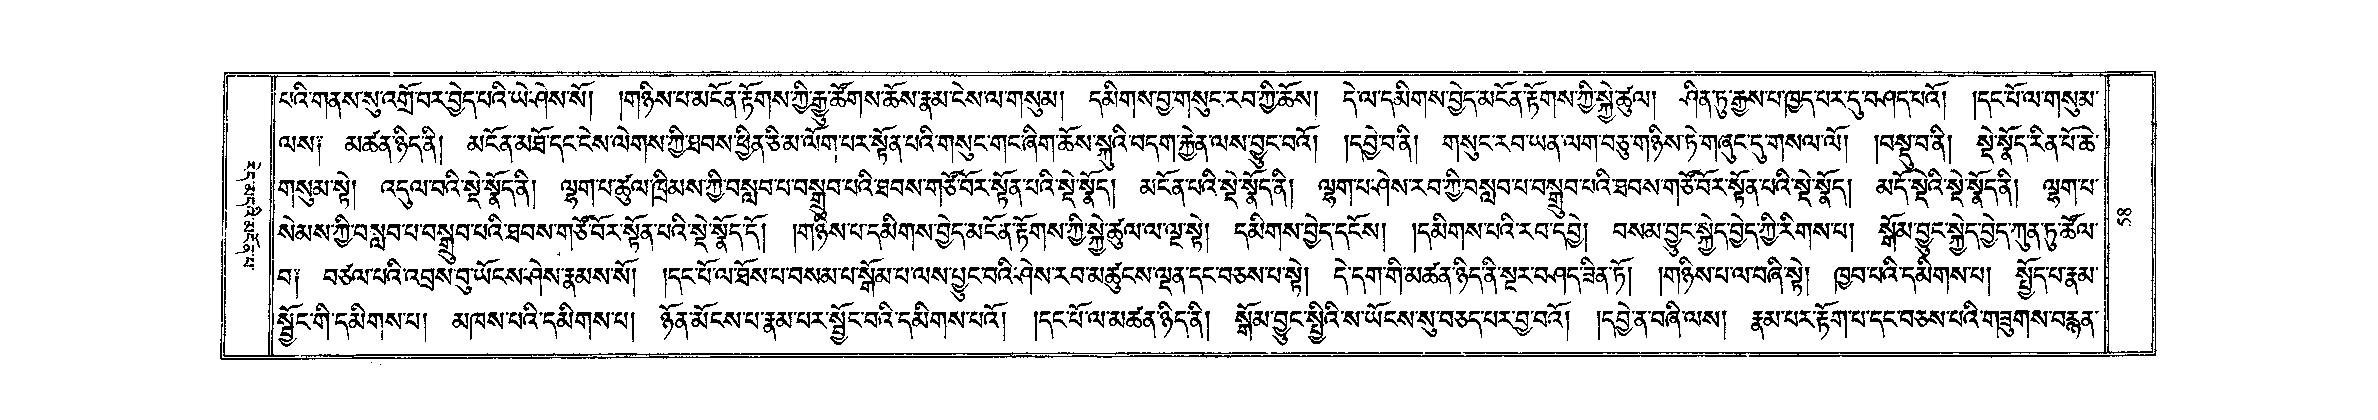པའི་གནས་སུ་འགྲོ་བར་བྱེད་པའི་ཡེ་ཤེས་སོ། །གཉིས་པ་མངོན་རྟོགས་ཀྱི་རྒྱུ་ཚོགས་ཆོས་རྣམ་ངེས་ལ་གསུམ། དམིགས་བྱ་གསུང་རབ་ཀྱི་ཆོས། དེ་ལ་དམིགས་བྱེད་མངོན་རྟོགས་ཀྱི་སྐྱེ་ཚུལ། ཤིན་ཏུ་རྒྱས་པ་ཁྱད་པར་དུ་བཤད་པའོ། །དང་པོ་ལ་གསུམ་
ལས༑ མཚན་ཉིད་ནི། མངོན་མཐོ་དང་ངེས་ལེགས་ཀྱི་ཐབས་ཕྱིན་ཅི་མ་ལོག་པར་སྟོན་པའི་གསུང་གང་ཞིག་ཆོས་སྐུའི་བདག་རྐྱེན་ལས་བྱུང་བའོ། །དབྱེ་བ་ནི། གསུང་རབ་ཡན་ལག་བཅུ་གཉིས་ཏེ་གཞུང་དུ་གསལ་ལོ། །བསྡུ་བ་ནི། སྡེ་སྣོད་རིན་པོ་ཆེ་
གསུམ་སྟེ། འདུལ་བའི་སྡེ་སྣོད་ནི། ལྷག་པ་ཚུལ་ཁྲིམས་ཀྱི་བསླབ་པ་བསྒྲུབ་པའི་ཐབས་གཙོ་བོར་སྟོན་པའི་སྡེ་སྣོད། མངོན་པའི་སྡེ་སྣོད་ནི། ལྷག་པ་ཤེས་རབ་ཀྱི་བསླབ་པ་བསྒྲུབ་པའི་ཐབས་གཙོ་བོར་སྟོན་པའི་སྡེ་སྣོད། མདོ་སྡེའི་སྡེ་སྣོད་ནི། ལྷག་པ་
སེམས་ཀྱི་བསླབ་པ་བསྒྲུབ་པའི་ཐབས་གཙོ་བོར་སྟོན་པའི་སྡེ་སྣོད་དོ། །གཉིས་པ་དམིགས་བྱེད་མངོན་རྟོགས་ཀྱི་སྐྱེ་ཚུལ་ལ་ལྔ་སྟེ། དམིགས་བྱེད་དངོས། །དམིགས་པའི་རབ་དབྱེ། བསམ་བྱུང་སྐྱེད་བྱེད་ཀྱི་རིགས་པ། སྒོམ་བྱུང་སྐྱེད་བྱེད་ཀུན་ཏུ་ཚོལ་
བ༑ བཙལ་བའི་འབྲས་བུ་ཡོངས་ཤེས་རྣམས་སོ། །དང་པོ་ལ་ཐོས་པ་བསམ་པ་སྒོམ་པ་ལས་བྱུང་བའི་ཤེས་རབ་མཚུངས་ལྡན་དང་བཅས་པ་སྟེ། དེ་དག་གི་མཚན་ཉིད་ནི་སྔར་བཤད་ཟིན་ཏོ། །གཉིས་པ་ལ་བཞི་སྟེ། ཁྱབ་པའི་དམིགས་པ། སྤྱོད་པ་རྣམ་
སྦྱོང་གི་དམིགས་པ། མཁས་པའི་དམིགས་པ། ཉོན་མོངས་པ་རྣམ་པར་སྦྱོང་བའི་དམིགས་པའོ། །དང་པོ་ལ་མཚན་ཉིད་ནི། སྒོམ་བྱུང་སྤྱིའི་ས་ཡོངས་སུ་བཅད་པར་བྱ་བའོ། །དབྱེ་ན་བཞི་ལས། རྣམ་པར་རྟོག་པ་དང་བཅས་པའི་གཟུགས་བརྙན་